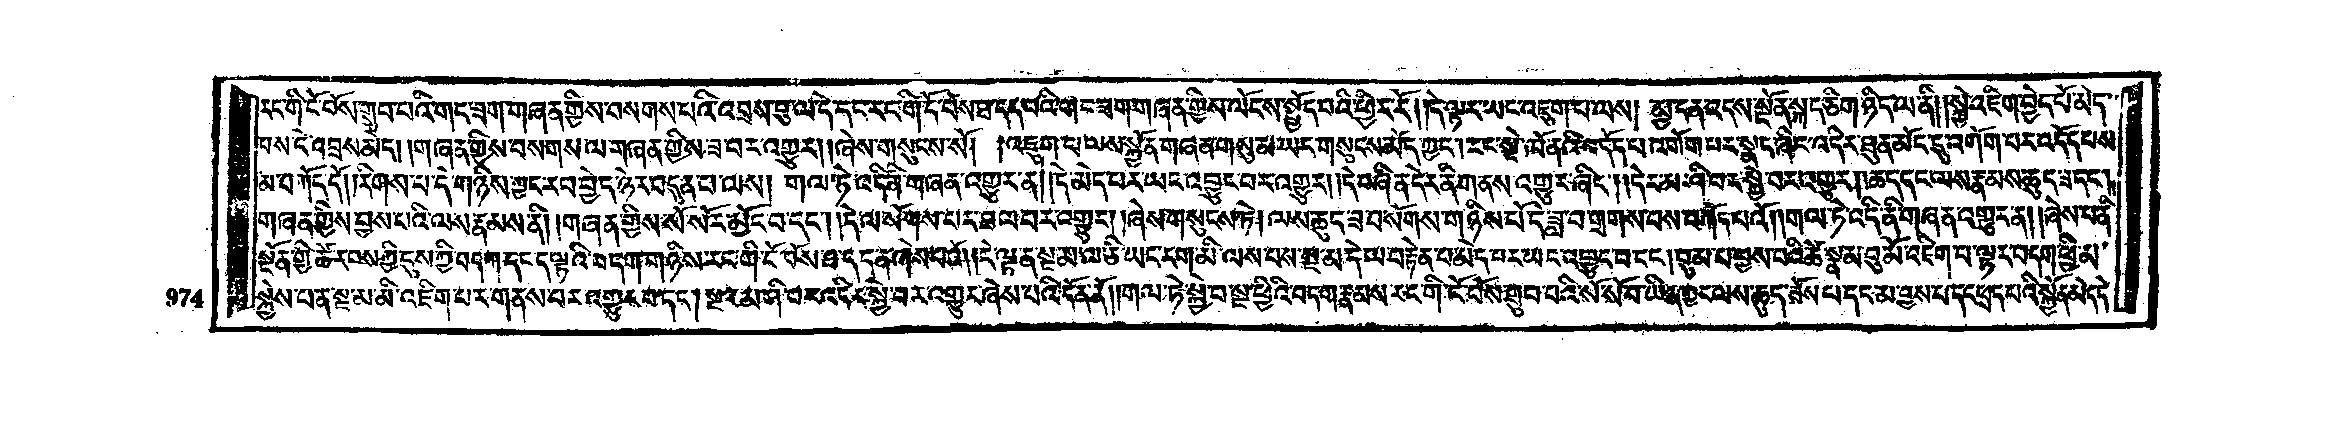རང་གི་ངོ་བོས་གྲུབ་པའི་གང་ཟག་གཞན་གྱིས་བསགས་པའི་འབྲས་བུ་ལ་དེ་དང་རང་གི་ངོ་བོས་ཐ་དད་པའི་གང་ཟག་གཞན་གྱིས་ལོངས་སྤྱོད་པའི་ཕྱིར་རོ། །དེ་ལྟར་ཡང་འཇུག་པ་ལས། མྱ་ངན་འདས་སྔོན་སྐད་ཅིག་ཉིད་ལ་ནི། །སྐྱེ་འཇིག་བྱེད་པོ་མེད་
པས་དེ་འབྲས་མེད། །གཞན་གྱིས་བསགས་ལ་གཞན་གྱིས་ཟ་བར་འགྱུར། །ཞེས་གསུངས་སོ། །འཇུག་པ་ལས་སྐྱོན་གཞན་གསུམ་ཡང་གསུངས་མོད་ཀྱང་། རང་སྡེ་ཁོ་ནའི་འདོད་པ་འགོག་པར་སྣང་ཞིང་འདིར་ཐུན་མོང་དུ་འགོག་པར་འདོད་པས་
མ་བཀོད་དོ། །རིགས་པ་དེ་གཉིས་ཀྱང་རབ་བྱེད་ཉེར་བདུན་པ་ལས། གལ་ཏེ་འདི་ནི་གཞན་འགྱུར་ན། །དེ་མེད་པར་ཡང་འབྱུང་བར་འགྱུར། །དེ་བཞིན་དེར་ནི་གནས་འགྱུར་ཞིང་། །དེར་མ་ཤི་བར་སྐྱེ་བར་འགྱུར། །ཆད་དང་ལས་རྣམས་ཆུད་ཟ་དང་། །
གཞན་གྱིས་བྱས་པའི་ལས་རྣམས་ནི། །གཞན་གྱིས་སོ་སོར་མྱོང་བ་དང་། །དེ་ལ་སོགས་པར་ཐལ་བར་འགྱུར། །ཞེས་གསུངས་ཏེ། ལས་ཆུད་ཟ་བ་སོགས་གཉིས་པོ་དེ་ཟླ་བ་གྲགས་པས་བཀོད་པའོ། །གལ་ཏེ་འདི་ནི་གཞན་འགྱུར་ན། །ཞེས་པ་ནི་
སྔོན་གྱི་ཚེ་རབས་ཀྱི་དུས་ཀྱི་བདག་དང་ད་ལྟའི་བདག་གཉིས་རང་གི་ངོ་བོས་ཐ་དད་ན་ཞེས་པའོ། །དེ་ལྟ་ན་སྔ་མ་ལ་ཅི་ཡང་རག་མི་ལས་པས་སྔ་མ་དེ་ལ་བརྟེན་པ་མེད་པར་ཡང་འབྱུང་བ་དང་། བུམ་པ་བྱས་པའི་ཚེ་སྣམ་བུ་མི་འཇིག་པ་ལྟར་བདག་ཕྱི་མ་
སྐྱེས་པ་ན་སྔ་མ་མི་འཇིག་པར་གནས་པར་འགྱུར་བ་དང་། སྔར་མ་ཤི་བར་འདིར་སྐྱེ་བར་འགྱུར་ཞེས་པའི་དོན་ནོ། །གལ་ཏེ་སྐྱེ་བ་སྔ་ཕྱིའི་བདག་རྣམས་རང་གི་ངོ་བོས་གྲུབ་པའི་སོ་སོ་བ་ཡིན་ཀྱང་ལས་ཆུད་ཟོས་པ་དང་མ་བྱས་པ་དང་ཕྲད་པའི་སྐྱོན་མེད་དེ།